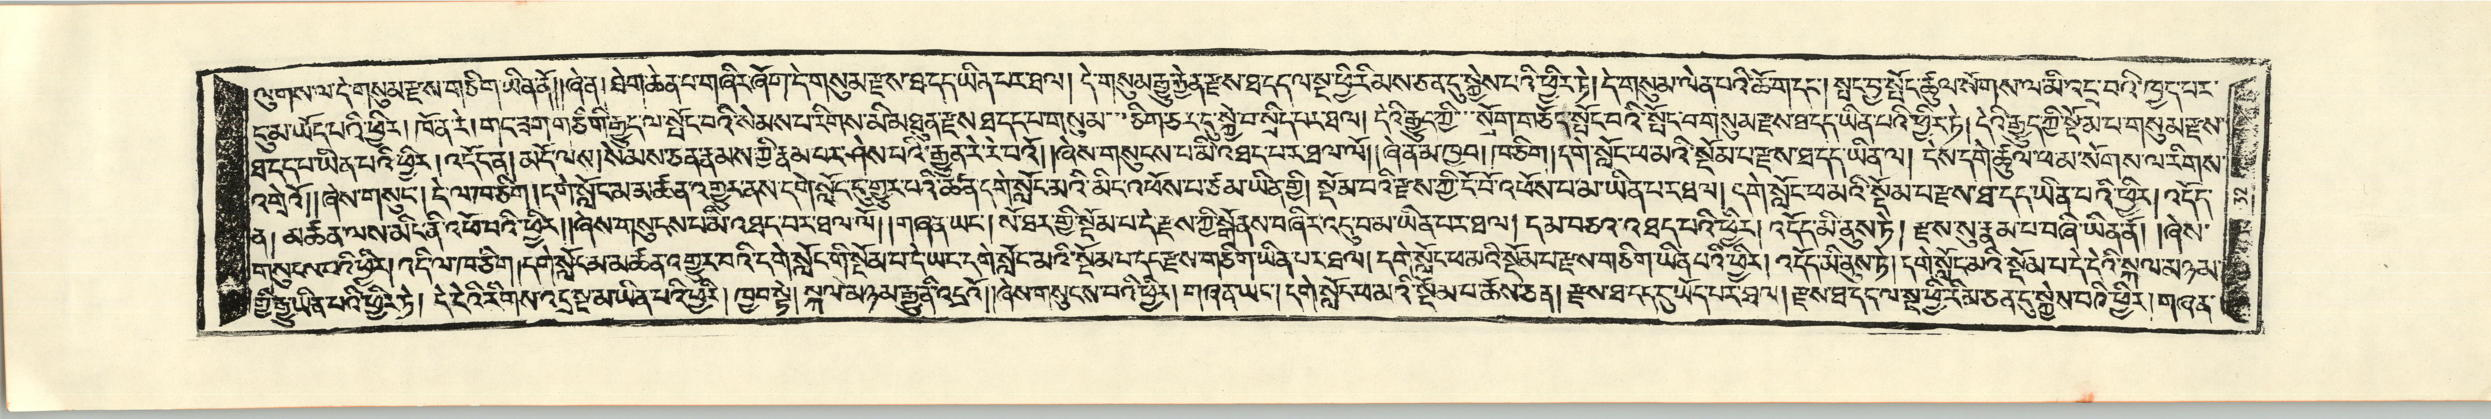ལུགས་ལ་དེ་གསུམ་རྫས་གཅིག་ཡིན་ནོ། །ཞེ་ན། ཐེག་ཆེན་པ་གཞིར་ཞོག་དེ་གསུམ་རྫས་ཐ་དད་ཡིན་པར་ཐལ། དེ་གསུམ་རྒྱུ་རྐྱེན་རྫས་ཐ་དད་ལ་སྔ་ཕྱི་རིམས་ཅན་དུ་སྐྱེས་པའི་ཕྱིར་ཏེ། དེ་གསུམ་ལེན་པའི་ཆོ་ག་དང་། སྤང་བྱ་སྤོང་ཚུལ་སོགས་ལ་མི་འདྲ་བའི་ཁྱད་པར་
དུ་མ་ཡོད་པའི་ཕྱིར། ཁོ་ན་རེ། གང་ཟག་གཅི་གི་རྒྱུད་ལ་སྤོང་བའི་སེམས་པ་རིགས་མི་མཐུན་རྫས་ཐ་དད་པ་གསུམ་ཅིག་ཅར་དུ་སྐྱེ་བ་སྲིད་པར་ཐལ། དེའི་རྒྱུད་ཀྱི་སྲོག་གཅོད་སྤོང་བའི་སྤོང་བ་གསུམ་རྫས་ཐ་དད་ཡིན་པའི་ཕྱིར་ཏེ། དེའི་རྒྱུད་ཀྱི་སྡོམ་པ་གསུམ་རྫས་
ཐ་དད་པ་ཡིན་པའི་ཕྱིར། འདོད་ན། མདོ་ལས། སེམས་ཅན་རྣམས་ཀྱི་རྣམ་པར་ཤེས་པའི་རྒྱུན་རེ་རེ་བའོ། །ཞེས་གསུངས་པ་མི་འཐད་པར་ཐལ་ལོ། །ཞེ་ན་མ་ཁྱབ། ཁ་ཅིག །དགེ་སློང་ཕ་མའི་སྡོམ་པ་རྫས་ཐ་དད་ཡིན་ལ། དེས་དགེ་ཚུལ་ཕ་མ་སོགས་ལ་རིགས་
འགྲེའོ། །ཞེས་གསུང་། དེ་ལ་ཁ་ཅིག །དགེ་སློང་མ་མཚན་འགྱུར་ནས་དགེ་སློང་དུ་གྱུར་པའི་ཚན་དགེ་སློང་མའི་མིང་འཕོས་པ་ཙམ་ཡིན་གྱི། སྡོམ་པའི་རྫས་ཀྱི་ངོ་བོ་འཕོས་པ་མ་ཡིན་པར་ཐལ། དགེ་སློང་ཕ་མའི་སྡོམ་པ་རྫས་ཐ་དད་ཡིན་པའི་ཕྱིར། འདོད་
ན། མཚན་ལས་མིང་ནི་འཕོ་བའི་ཕྱིར། །ཞེས་གསུངས་པ་མི་འཐད་པར་ཐལ་ལོ། །གཞན་ཡང་། སོ་ཐར་གྱི་སྡོམ་པ་དེ་རྫས་ཀྱི་སྒོ་ནས་བཞིར་འདུ་བ་མ་ཡིན་པར་ཐལ། དམ་བཅའ་འཐད་པའི་ཕྱིར། འདོད་མི་ནུས་ཏེ། རྫས་སུ་རྣམ་པ་བཞི་ཡིན་ནོ། །ཞེས་
གསུངས་པའི་ཕྱིར། འདི་ལ་ཁ་ཅིག །དགེ་སློང་མ་མཚན་འགྱུར་བའི་དགེ་སློང་གི་སྡོམ་པ་དེ་ཡང་དགེ་སློང་མའི་སྡོམ་པ་དང་རྫས་གཅིག་ཡིན་པར་ཐལ། དགེ་སློང་ཕ་མའི་སྡོམ་པ་རྫས་གཅིག་ཡིན་པའི་ཕྱིར། འདོད་མི་ནུས་ཏེ། དགེ་སློང་མའི་སྡོམ་པ་དེ་དེའི་སྐལ་མཉམ་
གྱི་རྒྱུ་ཡིན་པའི་ཕྱིར་ཏེ། དེ་ངའི་རིགས་འདྲ་སྔ་མ་ཡིན་པའི་ཕྱིར། ཁྱབ་སྟེ། སྐལ་མཉམ་རྒྱུ་ནི་འདྲའོ། །ཞེས་གསུངས་པའི་ཕྱིར། གཞན་ཡང་། དགེ་སློང་ཕ་མའི་སྡོམ་པ་ཆོས་ཅན། རྫས་ཐ་དད་དུ་ཡོད་པར་ཐལ། རྫས་ཐ་དད་ལ་སྔ་ཕྱི་རིམ་ཅན་དུ་སྐྱེས་བའི་ཕྱིར། གཞན་